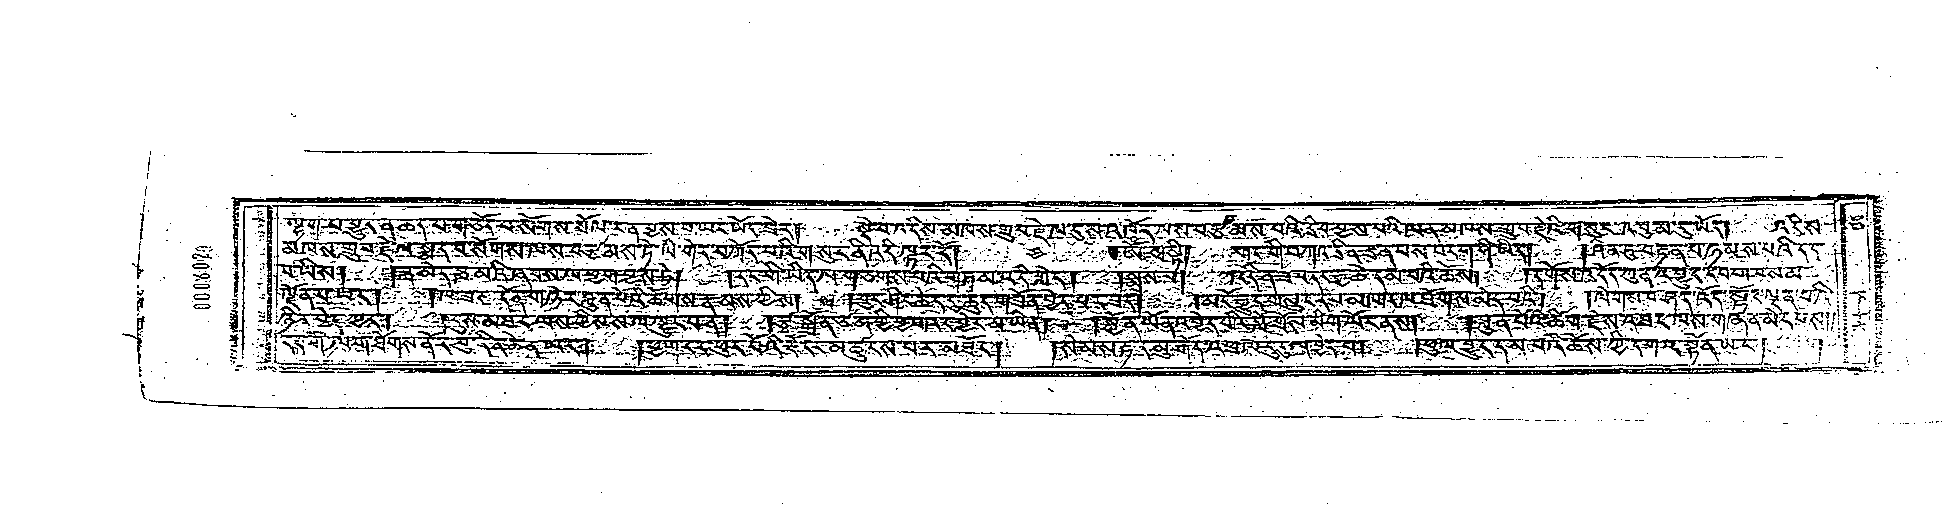ལྷག་པ་བྱུང་ན་ཆད་བ་གཅོད་པ་སོགས་སྲོལ་ངན་བྱས་བ་ཡང་ཡོད་ཟེར། སྡེ་པ་འདིས་མཁས་གྲུབ་རྗེ་ལ་དུས་འཁོར་ལས་བརྩམས་པའི་དྲི་བ་བྱས་པའི་ལན་མཁས་གྲུབ་རྗེའི་གསུང་འབུམ་དུ་ཡོད། འདིས་
མཁས་གྲུབ་རྗེ་ལ་སྨད་བ་སོགས་ལས་བརྩམས་ཏེ་ཡི་གེར་བཀོད་པའི་གསུང་ནི་འདི་ལྟར་རོ། ༧་།ཨོཾ་སྭསྟི། གང་གི་བཀའ་དྲིན་དྲན་པས་བདག་གི་ཡིད། །ཤིན་ཏུ་བརྟན་པ་ཉམས་པའི་དད་
བ་ཡིས། །ཟླ་མེད་བླ་མའི་ཞབས་ལ་ཕྱག་བྱས་ཏེ། །རང་གི་ཡིད་ལ་གཅགས་པའི་གཏམ་འདི་གླེང་། །སྨྲས་པ། འདི་ན་ཟབ་དང་རྒྱ་ཆེ་དམ་བའི་ཆོས། །དགོས་འདོད་ཀུན་འབྱུང་དཔག་བསམ་
ལྗོན་པ་ཡང་། །ཁ་ཟང་དོན་གཉེར་བླུན་པོའི་ཚོགས་རྣམས་ཀྱིས། །བུད་ཤིང་ཆེད་དུ་ཆུད་གཟོན་བྱེད་པར་ཟད། །མདོ་རྒྱུད་གསུང་རབ་མཁའ་ལ་ཐོགས་མེད་པའི། །ལེགས་བཤད་འོད་སྟོང་ལྡན་པའི་
ཉིན་བྱེད་ཀྱང་། །དུས་མཐར་ལས་ཀྱིས་ས་ལ་ལྷུང་བ་ན། །རྩྭ་སྒྲོན་ཙམ་གྱི་བྱ་བའང་བྱེད་མ་ཡིན། །སྐྱོན་ཡོན་འབྱེད་པའི་བློ་གྲོས་མིག་ལོང་ནས། །བླུན་པོའི་ཚིག་རྗེས་འཐར་ལས་གཞན་མེད་པས། །
རང་གི་ལག་ཐོགས་ནོར་བུ་རིན་ཆེན་ཡང་། །ཕྱག་དར་ཕུང་པོའི་རྡོ་དང་མཚུངས་པར་མཐོང་། །སེམས་རྟ་དམུ་རྒོད་འཕྲལ་དུ་དུལ་བྱེད་པ། །ཕུལ་བྱུང་དམ་པའི་ཆོས་ཀྱི་དགའ་སྟོན་ཡང་། །